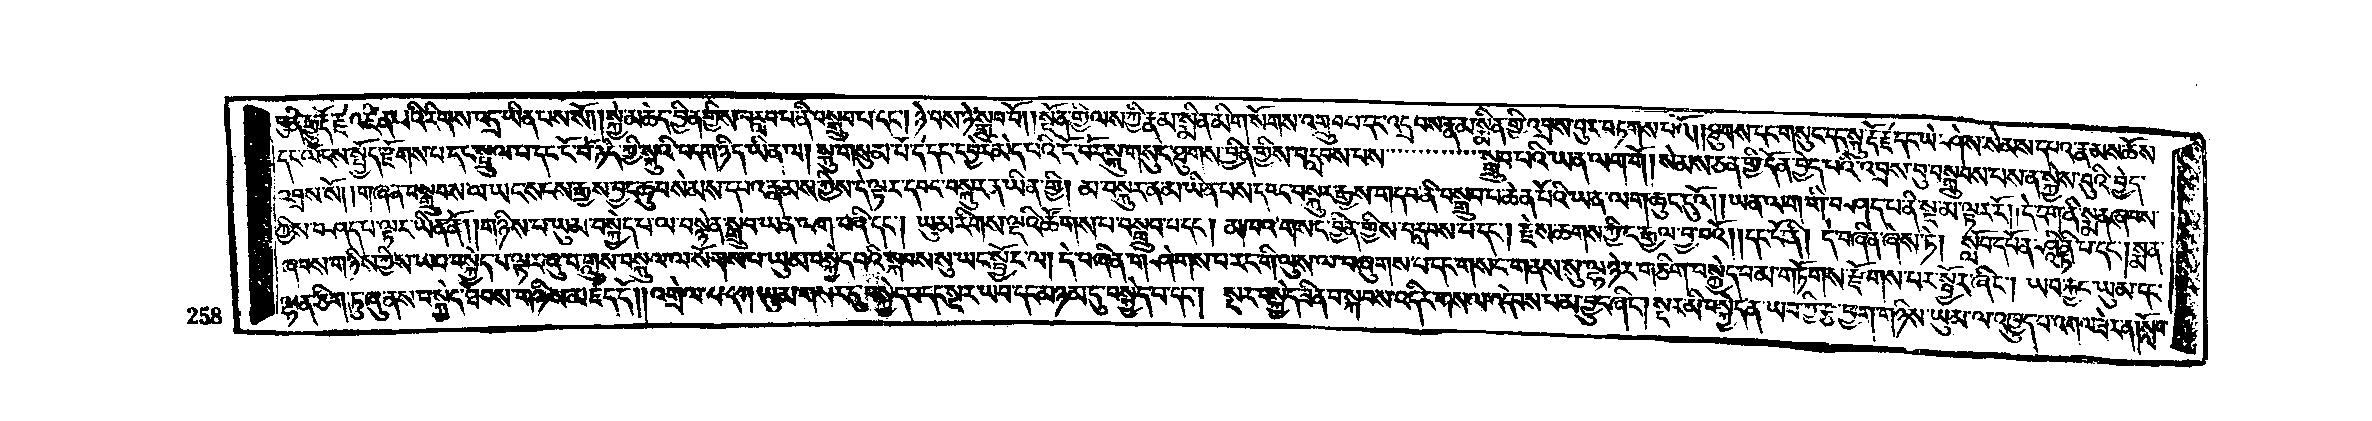བུ་ནི་རྒྱུ་རྡོ་རྗེ་འཛིན་པའི་རིགས་འདྲ་ཡིན་པས་སོ། །སྐྱེ་མཆེད་བྱིན་གྱིས་བརླབ་པ་ནི་བསྒྲུབ་པ་དང་། ཉེ་བས་ཉེ་སྒྲུབ་བོ། །སྔོན་གྱི་ལས་ཀྱི་རྣམ་སྨིན་མིག་སོགས་འགྲུབ་པ་དང་འདྲ་བས་རྣམ་སྨིན་གྱི་འབྲས་བུར་བཏགས་པའོ། །ཐུགས་དང་གསུང་དང་སྐུ་རྡོ་རྗེ་དང་ཡེ་ཤེས་སེམས་དཔའ་རྣམས་ཆོས་
དང་ལོངས་སྤྱོད་རྫོགས་པ་དང་སྤྲུལ་པ་དང་ངོ་བོ་ཉིད་ཀྱི་སྐུའི་བདག་ཉིད་ཡིན་ལ། སྐུ་གསུམ་པོ་དེ་དང་དབྱེར་མེད་པའི་ངོ་བོར་སྐུ་གསུང་ཐུགས་བྱིན་གྱིས་བརླབས་པས་སྒྲུབ་པའི་ཡན་ལག་གོ །སེམས་ཅན་གྱི་དོན་བྱེད་པའི་འབྲས་བུ་བསྒྲུབས་པས་ན་སྐྱེས་བུའི་བྱེད་
འབྲས་སོ། །གཞན་བསྒྲུབས་ལ་ཡང་སངས་རྒྱས་བྱང་ཆུབ་སེམས་དཔའ་རྣམས་ཀྱིས་དེ་ལྟར་དབང་བསྐུར་ན་ཡིན་གྱི། མ་བསྐུར་ན་མ་ཡིན་པས་དབང་བསྐུར་རྒྱས་གདབ་ནི་བསྒྲུབ་པ་ཆེན་པོའི་ཡན་ལག་ཆུང་ངུའོ། །ཡན་ལག་གི་བཤད་པ་ནི་སྔ་མ་ལྟར་རོ། །དེ་དག་ནི་སྨན་ཞབས་
ཀྱིས་བཤད་པ་ལྟར་ཡིན་ནོ། །གཉིས་པ་ཡུམ་བསྐྱེད་པ་ལ་བསྙེན་སྒྲུབ་ཡན་ལག་བཞི་དང་། ཡུམ་རིགས་ལྔའི་ཚོགས་པ་བསྒྲུབ་པ་དང་། མཁའ་གསང་བྱིན་གྱིས་བརླབས་པ་དང་། རྗེས་ཆགས་ཀྱི་ང་རྒྱལ་བྱ་བའོ། །དང་པོ་ནི། དེ་བཞིན་ཞེས་ཏེ། སློབ་དཔོན་ཤཱིནཏི་པ་དང་། སྨན་
ཞབས་གཉིས་ཀྱིས་ཡབ་བསྐྱེད་པ་ལྟར་ཞུ་བ་གླུས་བསྐུལ་ལ་སོགས་པ་ཡུམ་བསྐྱེད་པའི་སྐབས་སུ་ཡང་སྦྱོང་ལ། དེ་བཞིན་གཤེགས་པ་རང་གི་ལུས་ལ་བཞུགས་པ་དང་གསང་གནས་སུ་ལྷ་ཉེར་གཅིག་བསྐྱེད་པ་མ་གཏོགས་རྫོགས་པར་སྦྱོར་ཞིང་། ཡབ་རྐྱང་ཡུམ་དང་
ལྷན་ཅིག་ཏུ་ཞུ་ནས་བསྐྱེད་ཐབས་གཉིས་མཛད་དོ། །འགྲེལ་པ་དག་ཡུམ་གསར་དུ་བསྐྱེད་པ་དང་སྔར་ཡབ་དང་མཉམ་དུ་བསྐྱེད་པ་དང་། སྔར་བསྐྱེད་ཟིན་པ་སྐབས་འདིར་གསལ་འདེབས་པ་མ་བྱུང་ཞིང་། སྔར་མི་བསྐྱེད་ན་ཡབ་ཀྱི་རྩ་ཕྱག་གཉིས་ཡུམ་ལ་འཁྱུད་པ་འགལ་ཟེར་ན། སློབ་